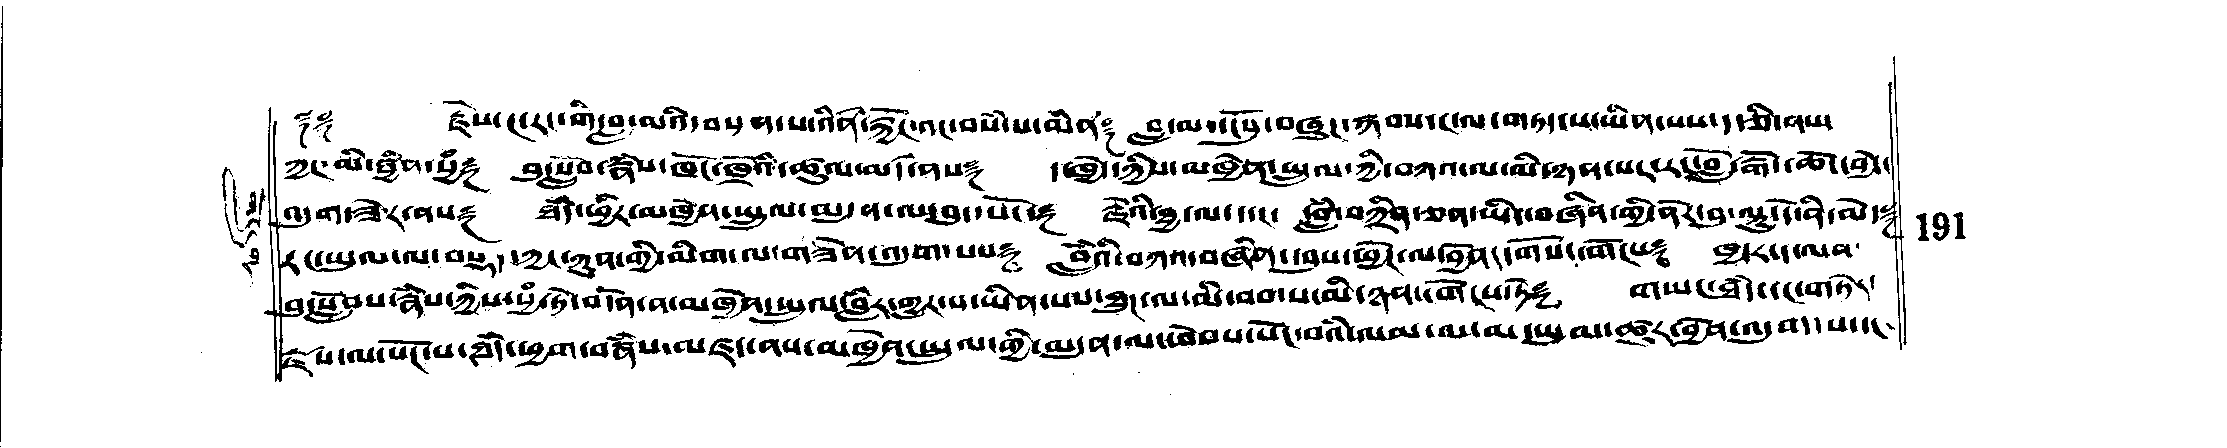རྗེས་ང་རང་གི་བླ་མའི་བསྟན་པ་འཛིན་སྐྱོང་འོང་བསམ་པ་མིན། བླ་མ་དངོས་སུ་བཞུགས་སྐབས་ང་ལ་གཏད་པ་ཡིན་པས་ད་ཅི་ནས་
ཀྱང་མི་སྦྱིན་གསུངས། བུ་སློབ་རྣམས་ཁོང་ཁྲོའི་ཚུལ་མཛད་ནས། ད་ཁྱོད་ཀྱིས་མཁྱེན་སྤྲུལ་ཀྱི་བཀའ་ལ་མི་ཉན་པར་རང་བློ་རྒོད་ཆོད་བྱེད་
འདུག་ཟེར་ནས། ཐམས་ཅད་ཕྱིར་མཁྱེན་སྤྲུལ་མདུན་ལ་བུད་སོང་། རྗེའི་ཐུགས་ལ་ད་ང་བླ་མ་བཀའ་དྲིན་ཅན་ཡིད་བཞིན་གྱི་ནོར་བུ་ལྟ་བུར་དེ་ནི་མེད། 
རང་ཡུལ་ལ་བསྡད་ཀྱང་ཀུན་གྱི་མིག་ལ་གཟན་འདུག་པས། བླ་མའི་བཀའ་བཞིན་དབུས་ཕྱོགས་ལ་བྱོན་དགོས་དགོངས། ཁྱད་པར་ད་ལན་
བུ་སློབ་རྣམས་ཀྱིས་གསུང་དེ་བདེན་ན་མཁྱེན་སྤྲུལ་བླ་མར་གྱུར་པ་ཡིན་པས་ཐུགས་ལ་མི་བབ་པ་མི་ཉན་དགོངས་ཏེ། གཡང་ཐོད་དང་གཏེར་
རྫས་ལ་སོགས་པ་ཐམས་ཅད་ཕྱག་བསྣམས་མཛད་ནས་མཁྱེན་སྤྲུལ་གྱི་མདུན་ལ་ཕེབས་སོང་བའི་ལམ་ལ་མ་ཡུམ་ཚུར་བྱོན་འདུག་པ་དང་